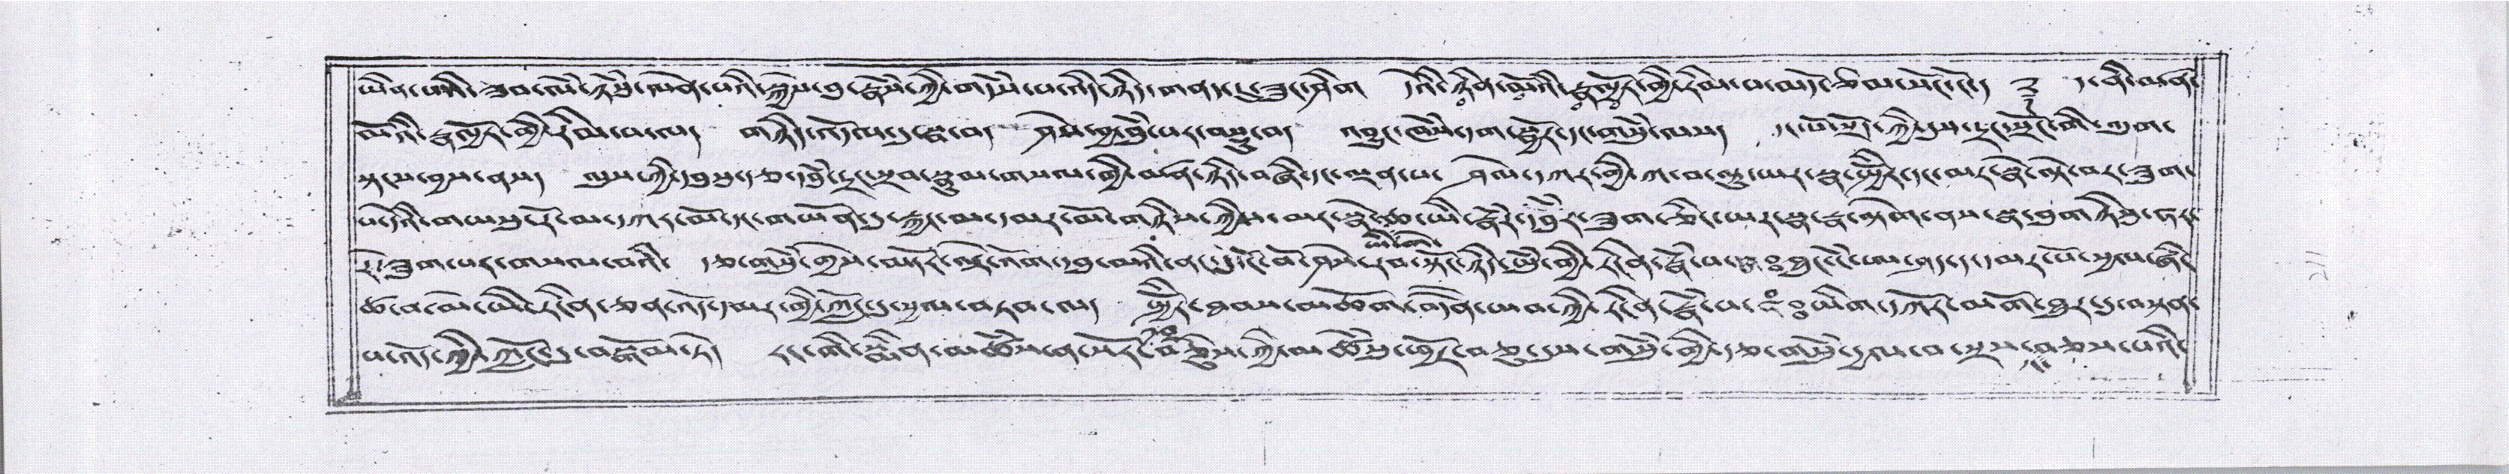ཡེ་ཤེས་པའི་ཟབ་མོ་ཉམས་སུ་ལེན་པའི་སྐྱེས་བུ་རྣམས་ཀྱི་གདམས་པ་འདི་ཉིད་གནད་དུ་ཟུངས་ཤིག དེའི་ཉིན་མོའི་རྣལ་འབྱོར་གྱི་རིམ་པ་མདོ་ཙམ་སོང་ངོ་། །ད་ནི་མཚན་
མོའི་རྣལ་འབྱོར་གྱི་རིམ་པ་ལ། གཉིད་འོད་གསལ་དུ་སྦ་བ། ཤེས་བྱ་བུམ་པར་བསྡུ་བ། འབྱུང་ཁམས་དག་སྦྱོར་དང་གསུམ་ལས། དང་པོ་ནི་སྲོད་ཀྱི་དུས་དྲང་སྲོང་གི་འདུག་
སྟངས་བྱས་ནས་ལུས་ཀྱི་དབུས་སུ་རྩ་དབུ་མ་དྲང་སྲབ་སྣུམ་གསལ་གྱི་མཚན་ཉིད་བཞི་དང་ལྡན་པ། ཤེལ་དཀར་གྱི་ཀ་བ་ཡར་སྣེ་སྤྱི་བོ་དང་མར་སྣེ་ལྟེ་བར་ཟུག་
པ། དེའི་གཡས་སུ་རོ་མ་དཀར་མོ་དང་། གཡོན་དུ་རྐྱང་མ་དམར་པོ་གཉིས་ཀྱི་མར་སྣེ་ཡི་གེ་ཆ་ཡི་རྣམ་པར་དབུ་མར་ཟུག་ཅིང་ཡར་སྣེ་རྣ་ལྟག་ནས་སྣ་བུག་གཉིས་སུ་ཧར
རེ་ཟུག་པར་གསལ་བའི་རྩ་གསུམ་གྱེས་མདོ་ལྟེ་འོག་དབུ་མའི་ནང་དུ་ངོ་བོ་ཤེས་རབ་སྟོང་ཉིད་ཡུམ་གྱི་རང་བཞིན། རྣམ་པ་ཨ་ཐུང་ངམ་ཨ་ཤད་ད་༼བཾ༽དམར་པོ་གསལ་ཞིང་
ཚ་བ་མེ་ཡི་རང་བཞིན་ཅན་འོད་དམར་གྱི་ཀློང་དུ་གསལ་བཏབ། སྤྱི་བོར་ཐབས་མཆོག་བདེ་ཆེན་ཡབ་ཀྱི་རང་བཞིན་ཡིན་པ་ལ། ཧཾཿཡིག་དཀར་པོ་མགོ་ཐུར་དུ་བསྟན་
པ་འོད་ཀྱི་ཀློང་དུ་བསྒོམ་ཏེ། རང་གི་སྨིན་མཚམས་ནས་སོར་བཅུ་གཉིས་ཀྱི་མཚམས་སུ་ཕྱོགས་བཅུའི་དུས་གསུམ་གྱི་རྩ་གསུམ་རྒྱལ་བ་སྲས་དང་བཅས་པའི་